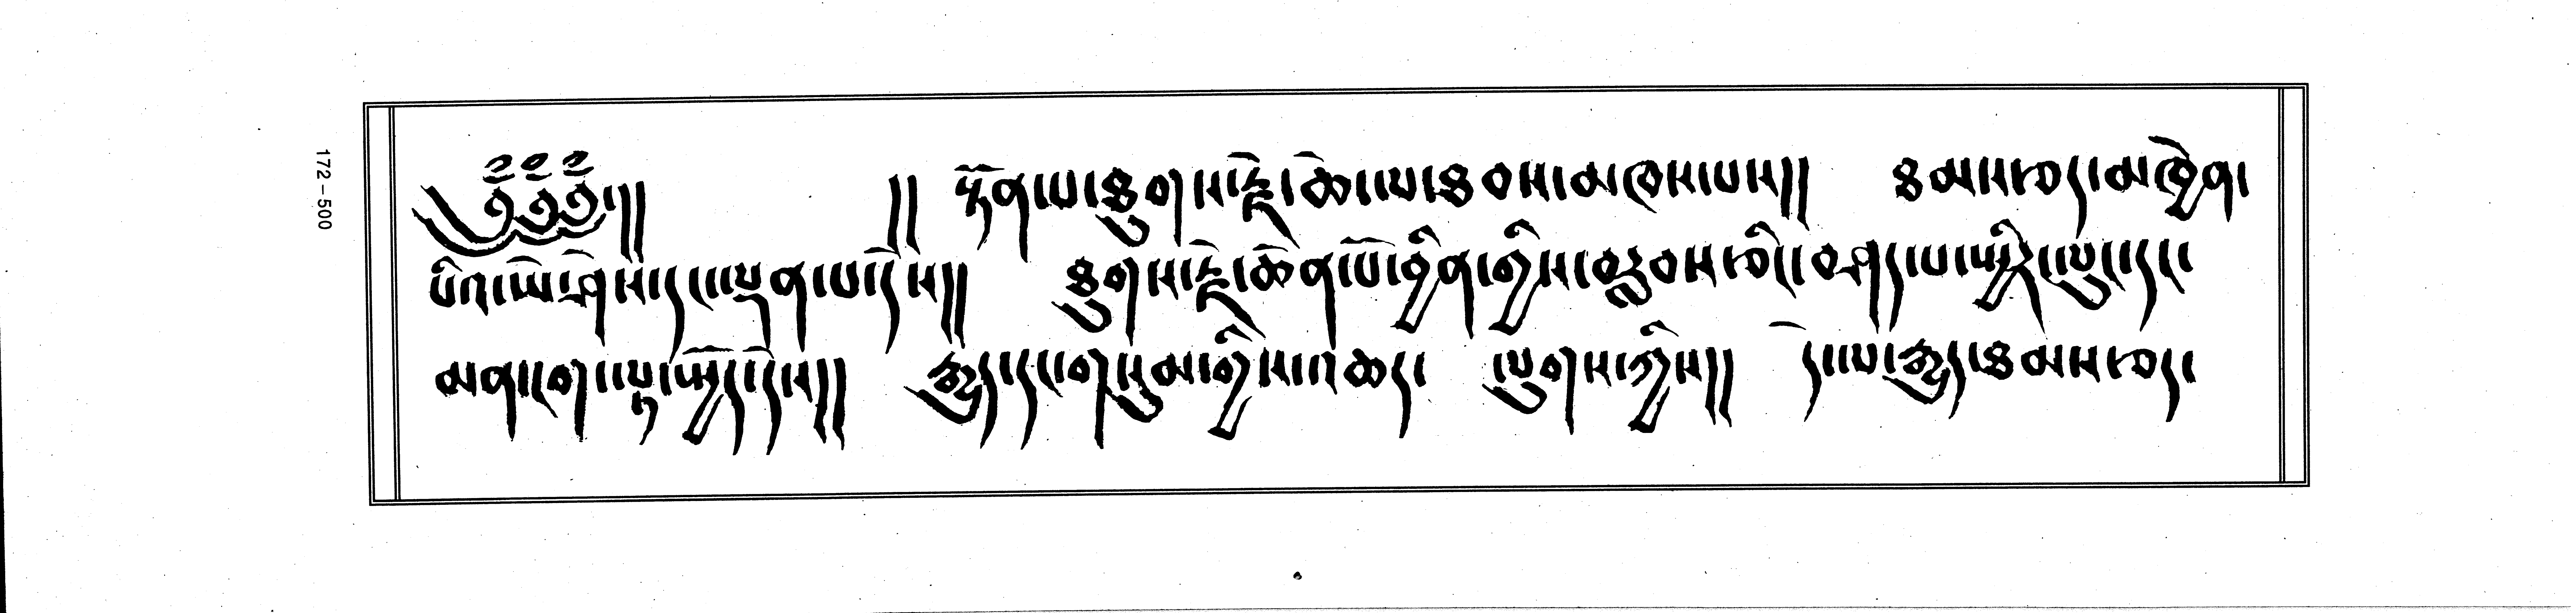༄༅༅།། །།སྟོན་པ་ཐུགས་རྗེ་ཆེ་ལ་ཐབས་མཁས་པས། ཐམས་ཅད་མཁྱེན་
པའི་ཡེ་ཤེས་དང་ལྡན་པ་དེས། ཐུགས་རྗེ་ཆེན་པོ་བྱིན་གྱིས་བརླབས་ཅིང་བཤད་པ་སྤྱིར་ལུང་དང་
མན་ངག་ལྟ་སྤྱོད་དེས། རྒྱུད་དང་གསུམ་གྱིས་འཆད་ལུགས་ཀྱིས། དེ་ལ་རྒྱུད་ཐམས་ཅད་